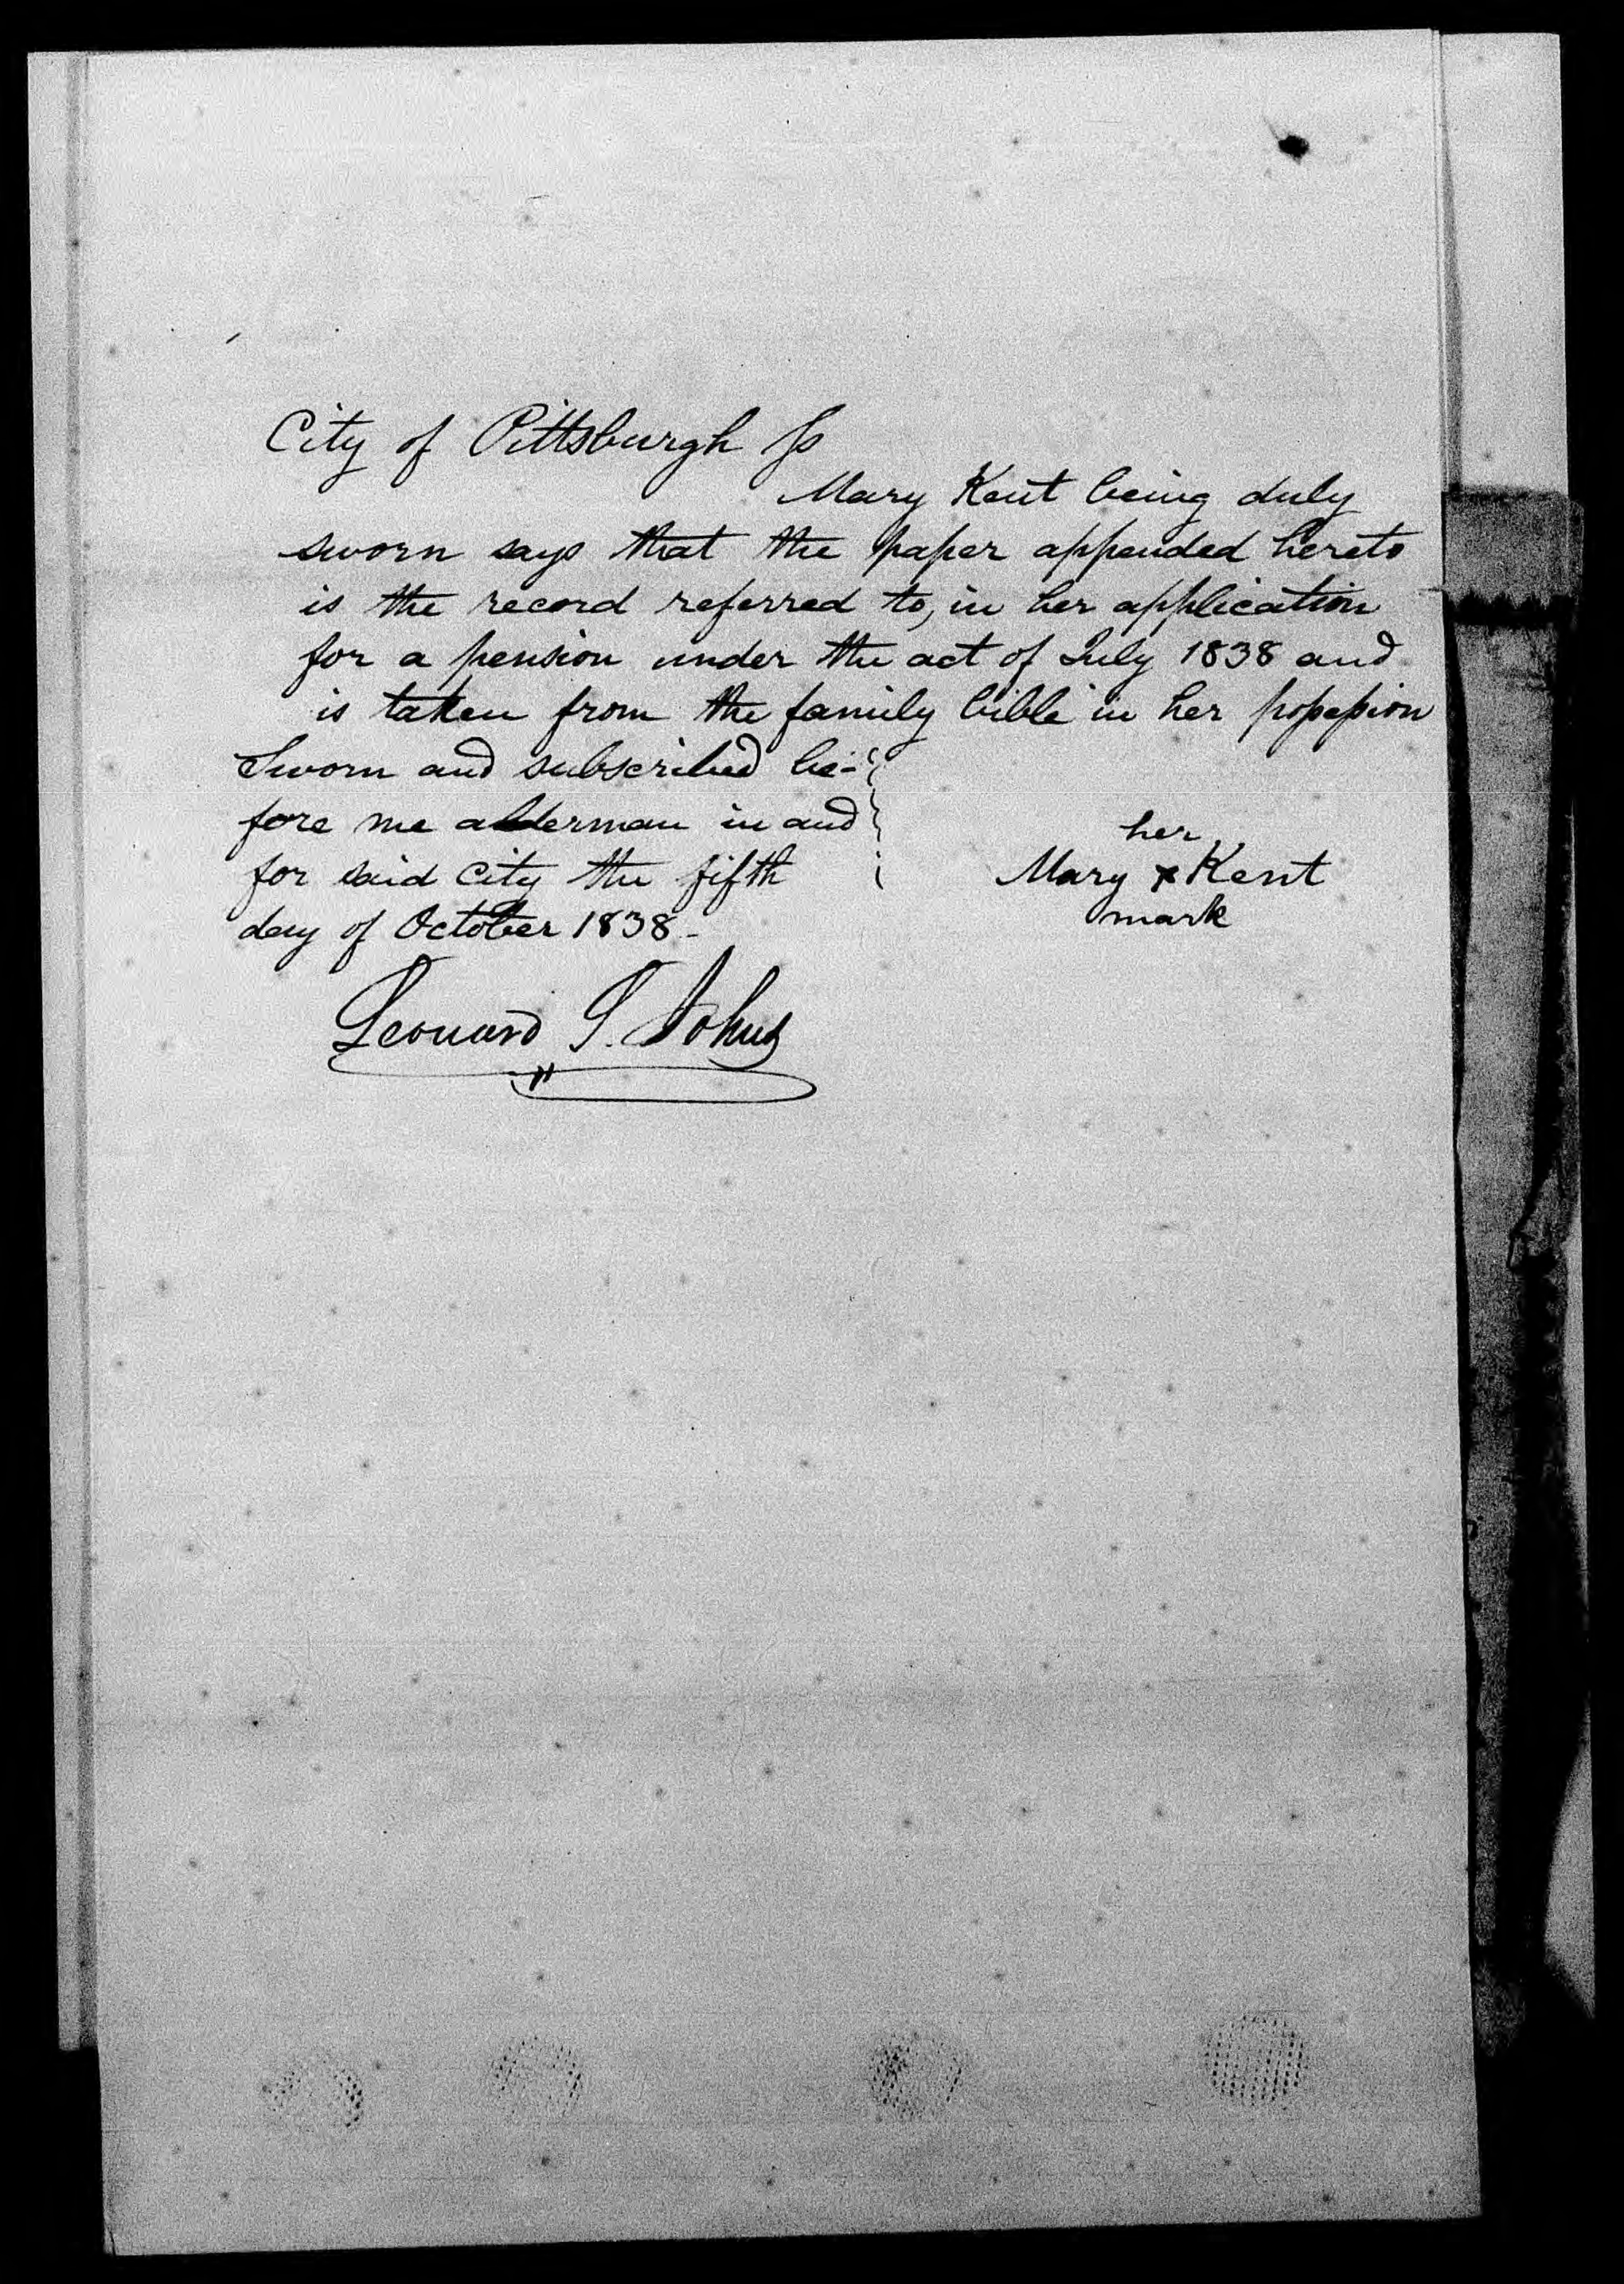City of Pittsburgh  ss
Mary Kent being duly sworn says that the paper appended hereto is the record referred to, in her application for a pension under the act of July 1838 and is taken from the family bible in her possession

Sworn and subscribed before me alderman in and for said city the fifth day of October 1838
       her
Mary X Kent
      mark

Leonard G Johns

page: 6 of 50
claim: widow's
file: W. 4253, for John Kent, Vermont